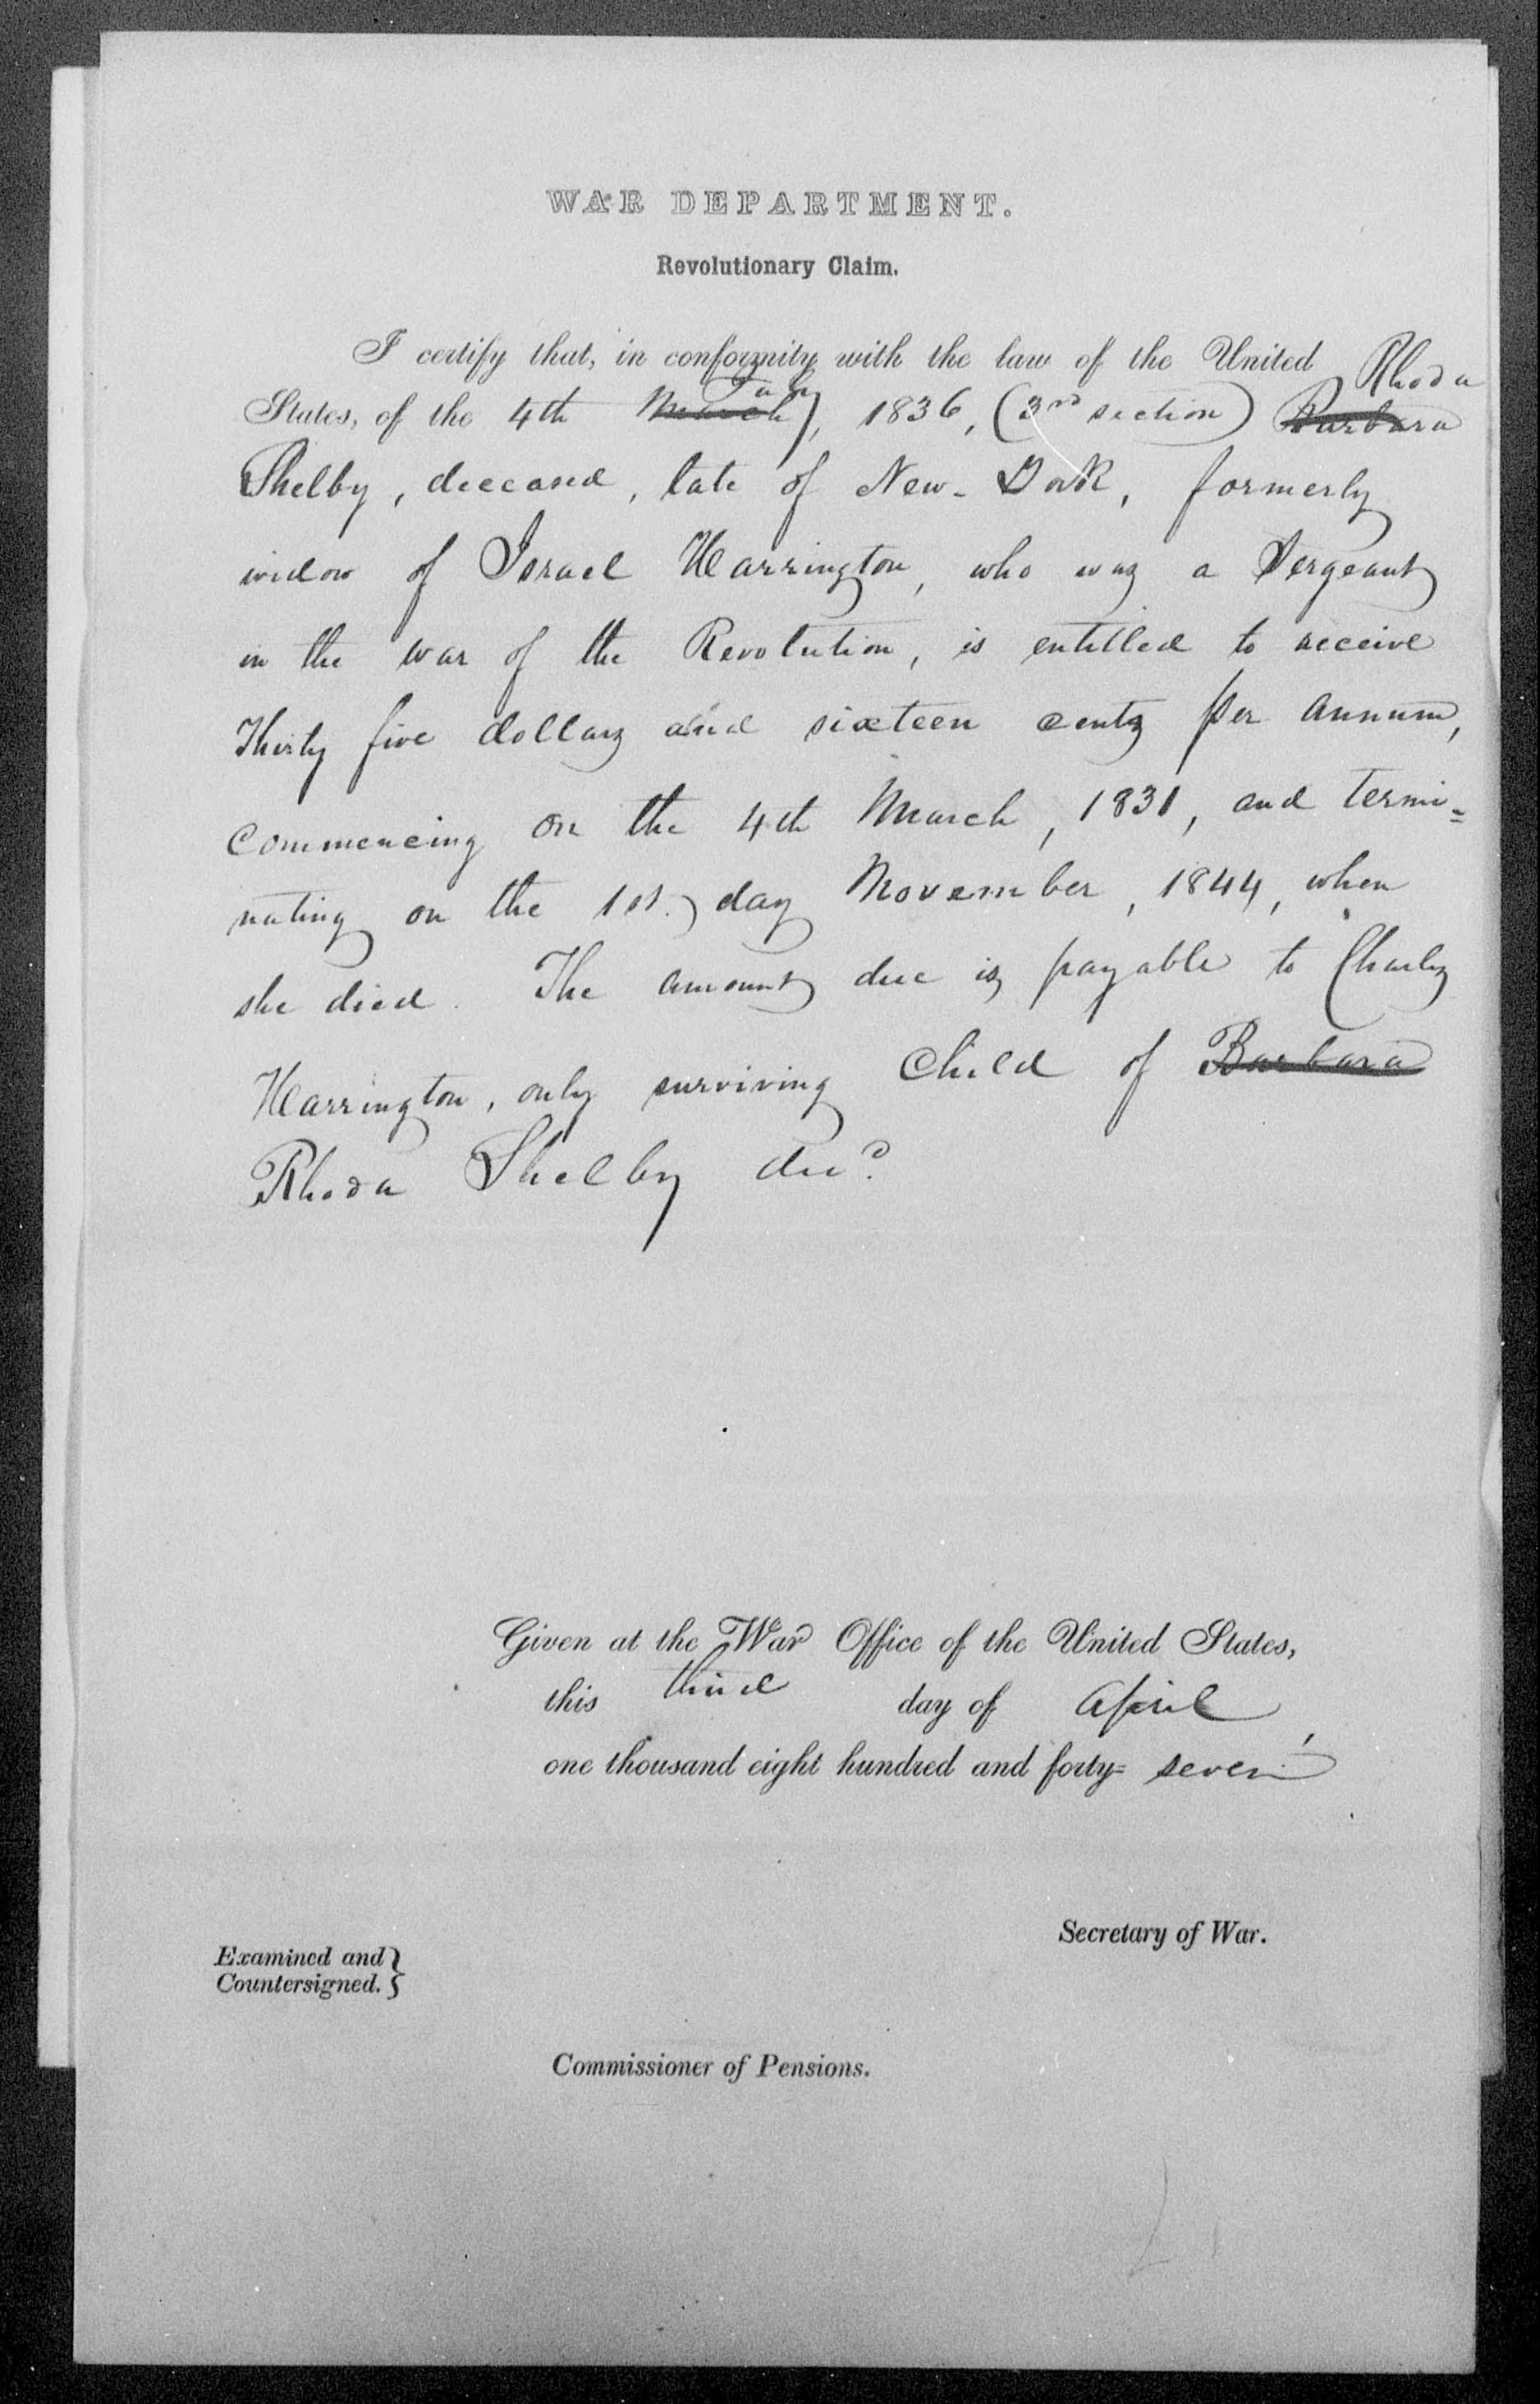WAR DEPARTMENT.
Revolutionary Claim.

I certify that, in conformity with the law of the United States of the 4th ["March" crossed out] July, 1836, (3rd section), ["Barbara" crossed out] Rhoda Shelby, deceased, late of New. York, formerly widow of Israel Harrington, who was a Sergeant in the war of the Revolution, is entitled to receive Thirty five dollars and sixteen center per annum, commencing on the 4th March, 1831, and terminating on the 11th day November, 1844, when she died. The annuity due is payable to Charles Harrington, only surviving child of ["Barbara" crossed out] Rhoda Shelby decd.

Given at the War Office of the United States, this third day of April one thousand eight hundred and forty seven
Examined and Countersigned.} [unsigned] Secretary of War.
Commissioner of Pensions.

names: Israel Harrington, Rhoda Shelby, Charles Harrington, Rhoda Shelby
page: 20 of 51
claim: widow's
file: W. 19,026, Israel Harrington, R.I.